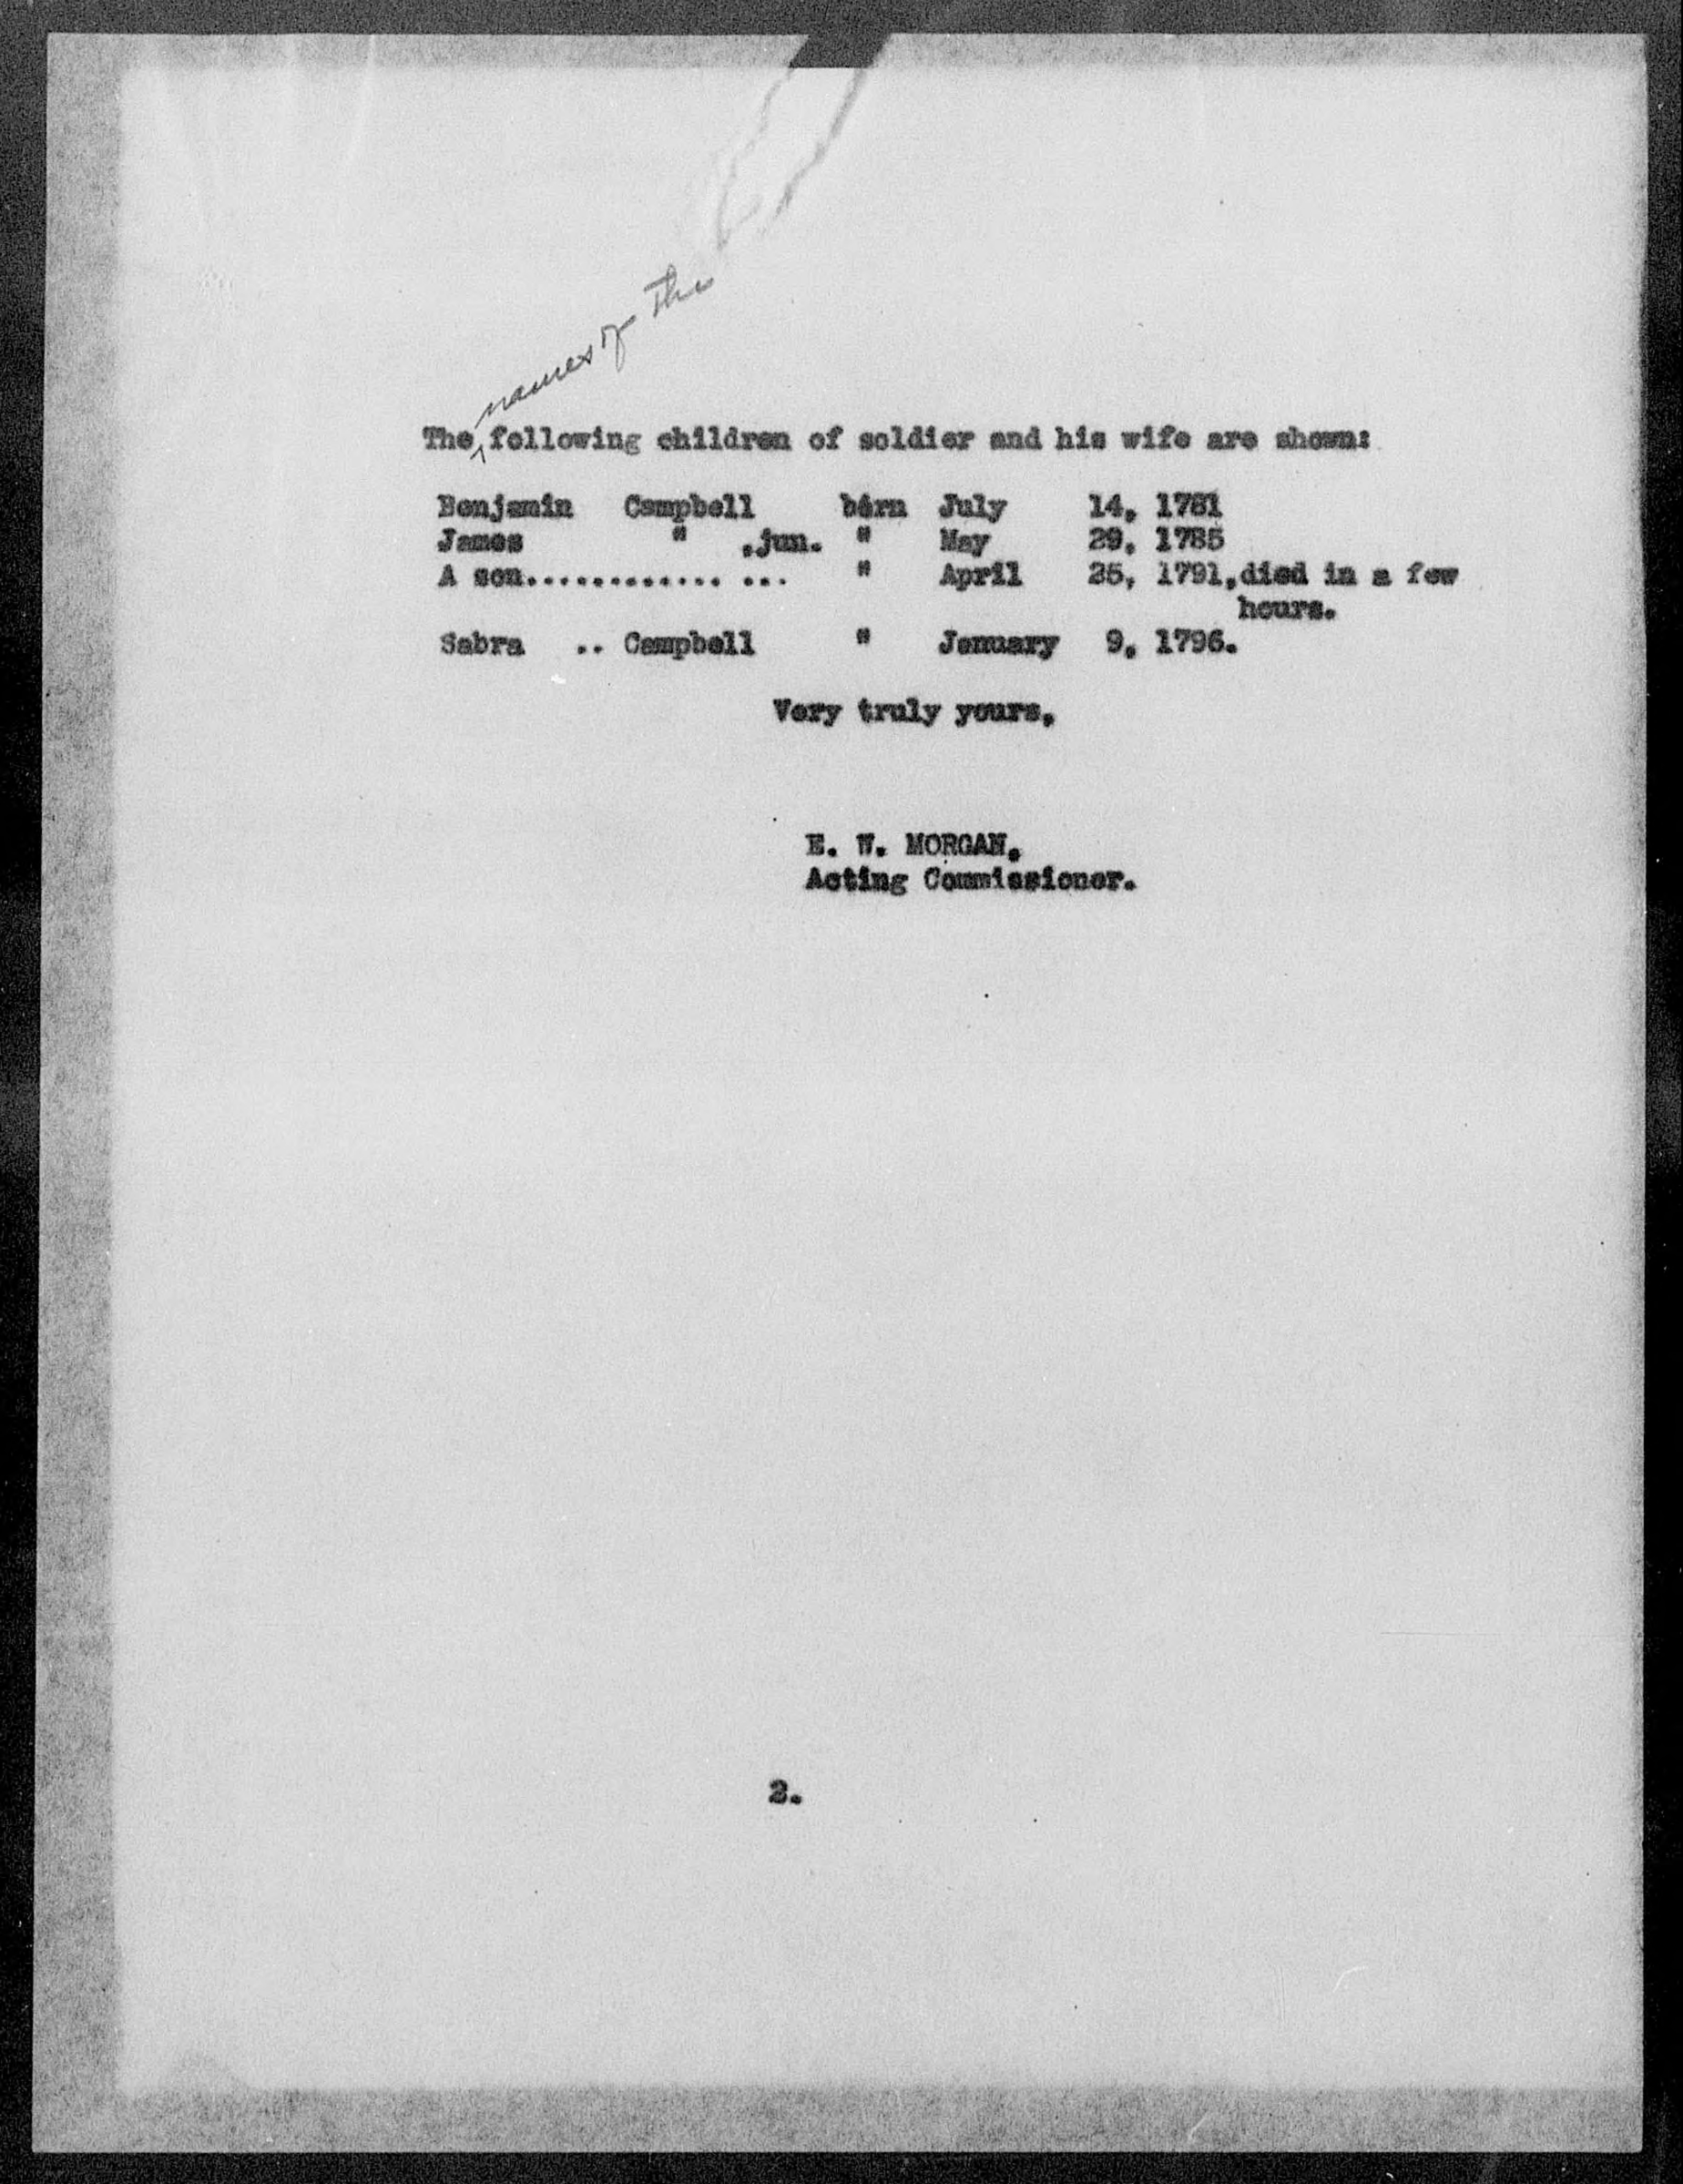The names of the following children of soldier and his wife are shown:

Benjamin Campbell,  born  July 14, 1781
James         "        ,jun.   "    May 29, 1785
A son . . . . . . . . . . . .       "    April 25,1791, died in 
                                                           a few hours.                                                                        
Sabra . .  Campbell        "    January 9, 1796.


Very truly yours,


E. W. MORGAN,
Acting Commissioner.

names: James Campbell, Sabra Campbell, Benjamin Campbell, E W Morgan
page: 67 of 67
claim: widow's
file: W. 23772, James Campbell, Continental Mass.